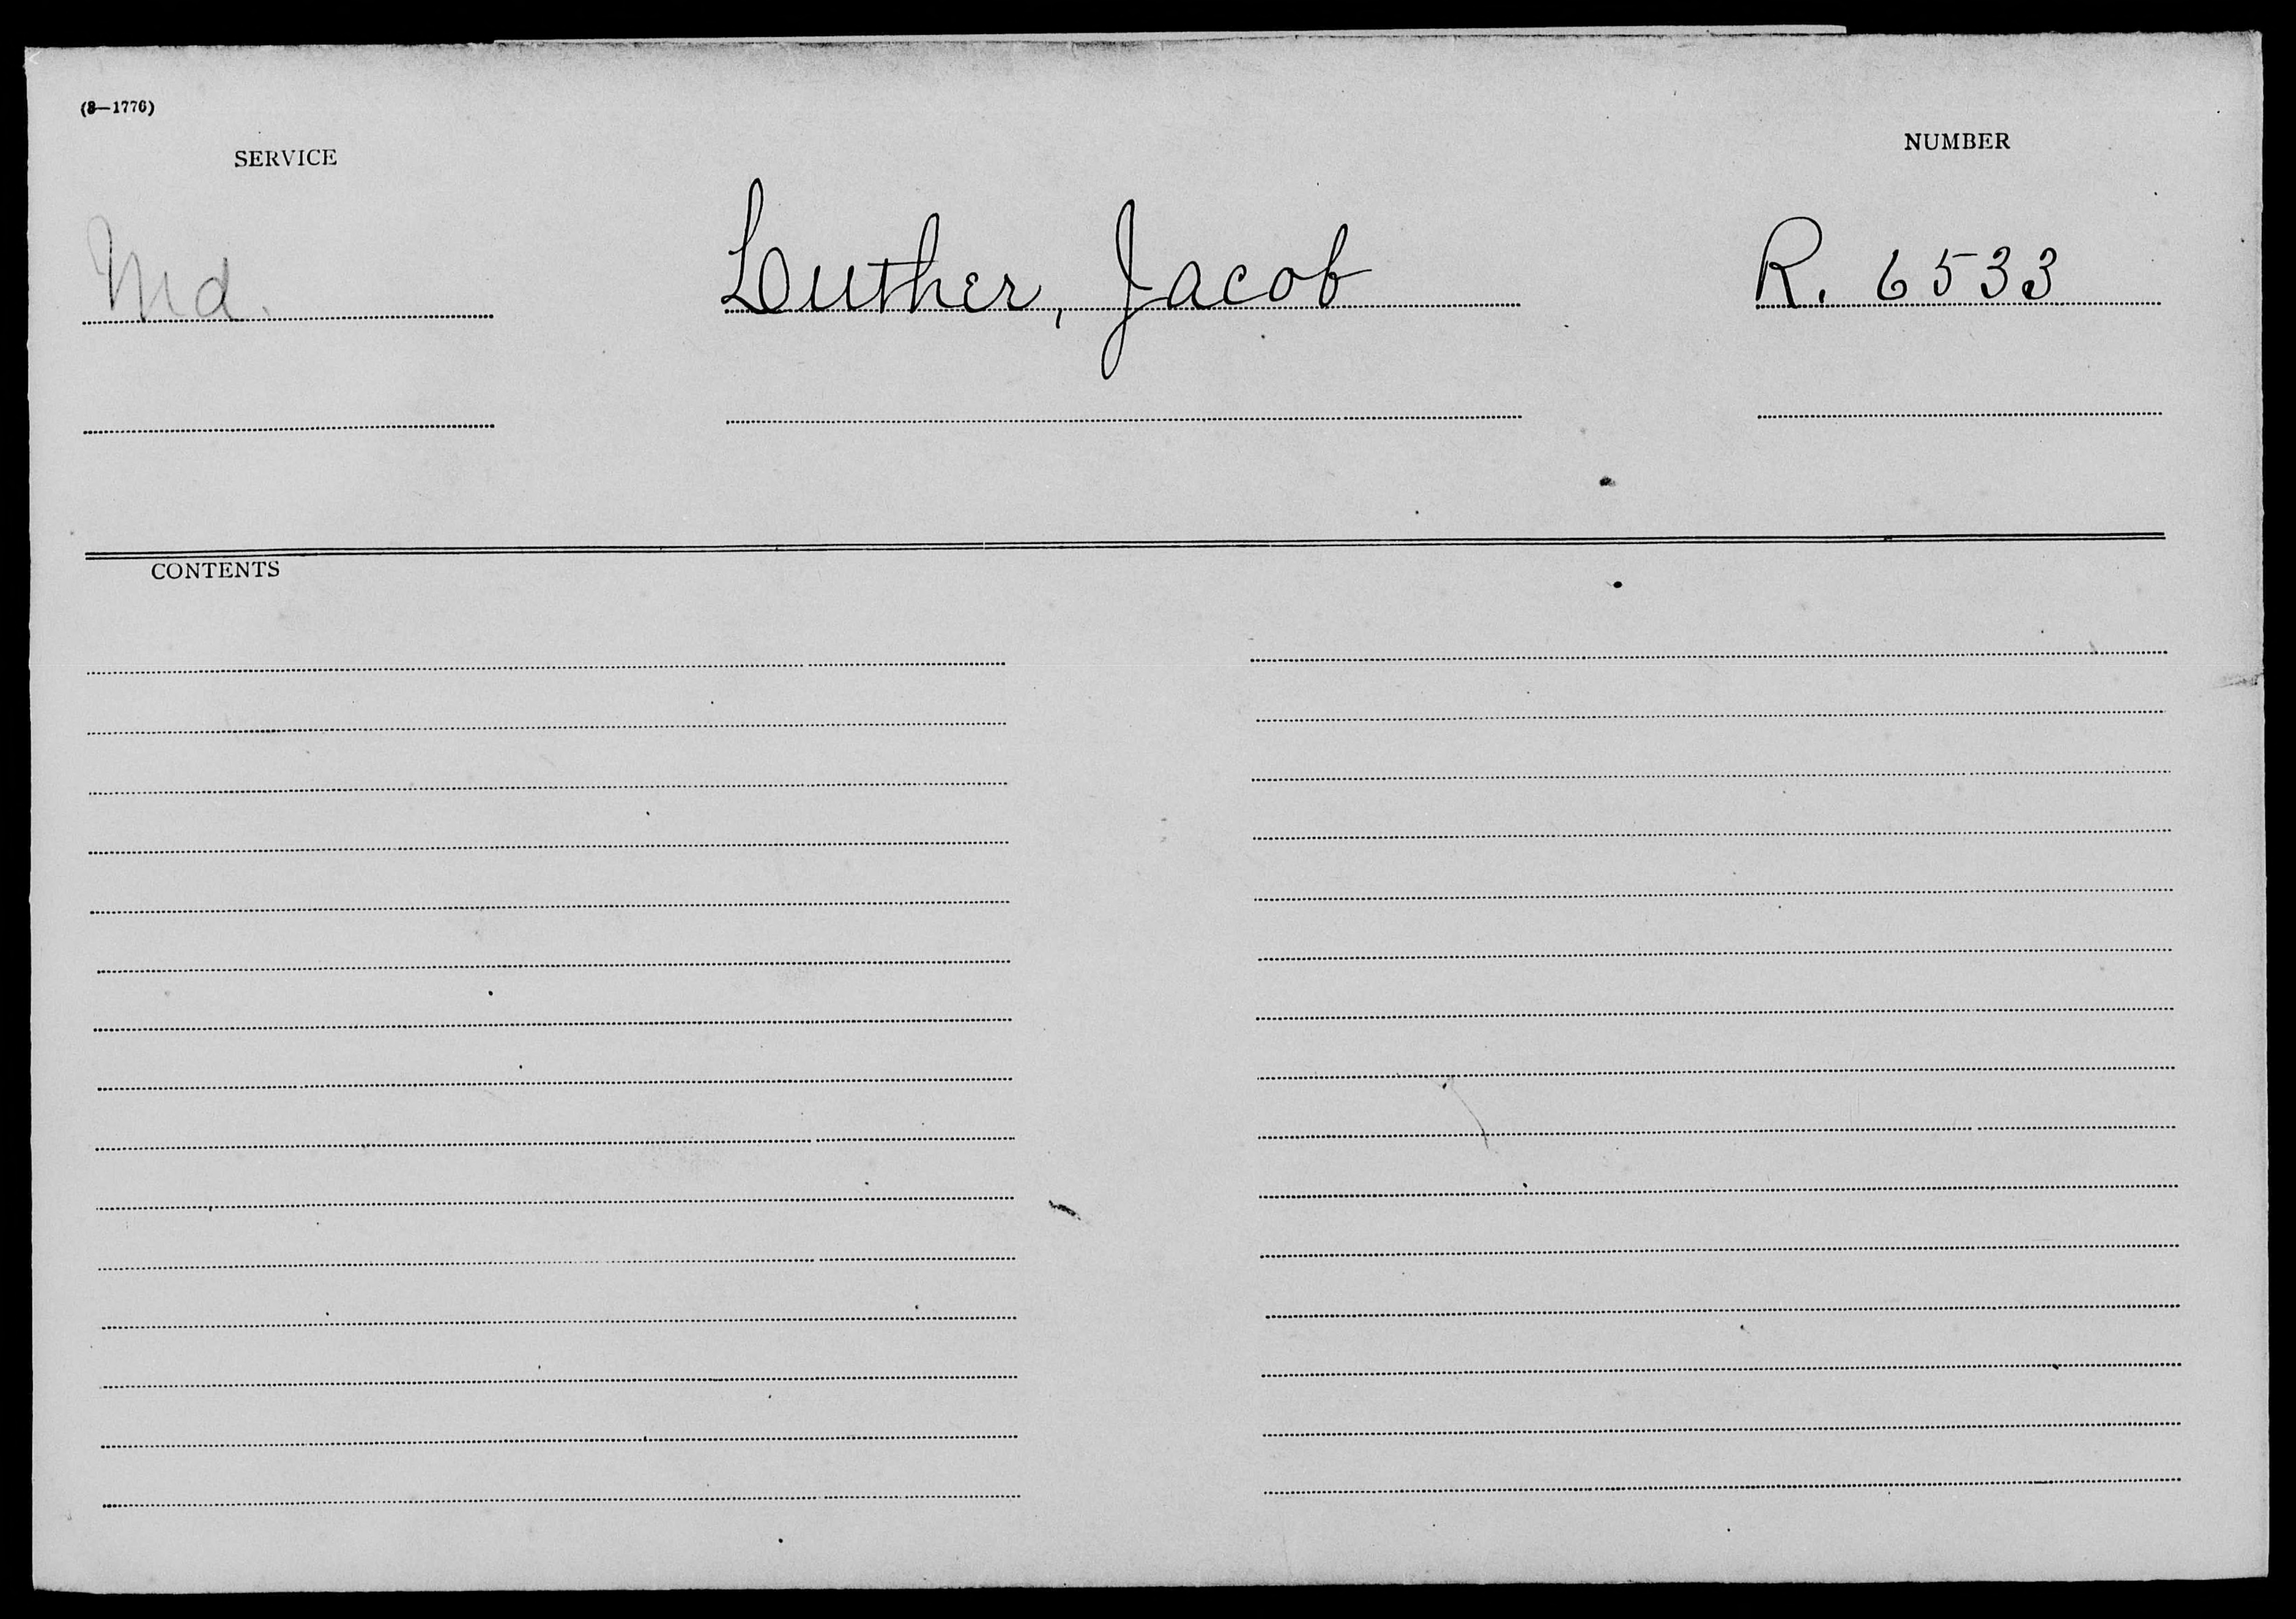[heading]SERVICE | [no heading]  | [heading] NUMBER

Md. | Louther, Jacob | R.6533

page: 1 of 23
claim: rejected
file: R. 6533, for Jacob Luther, Maryland